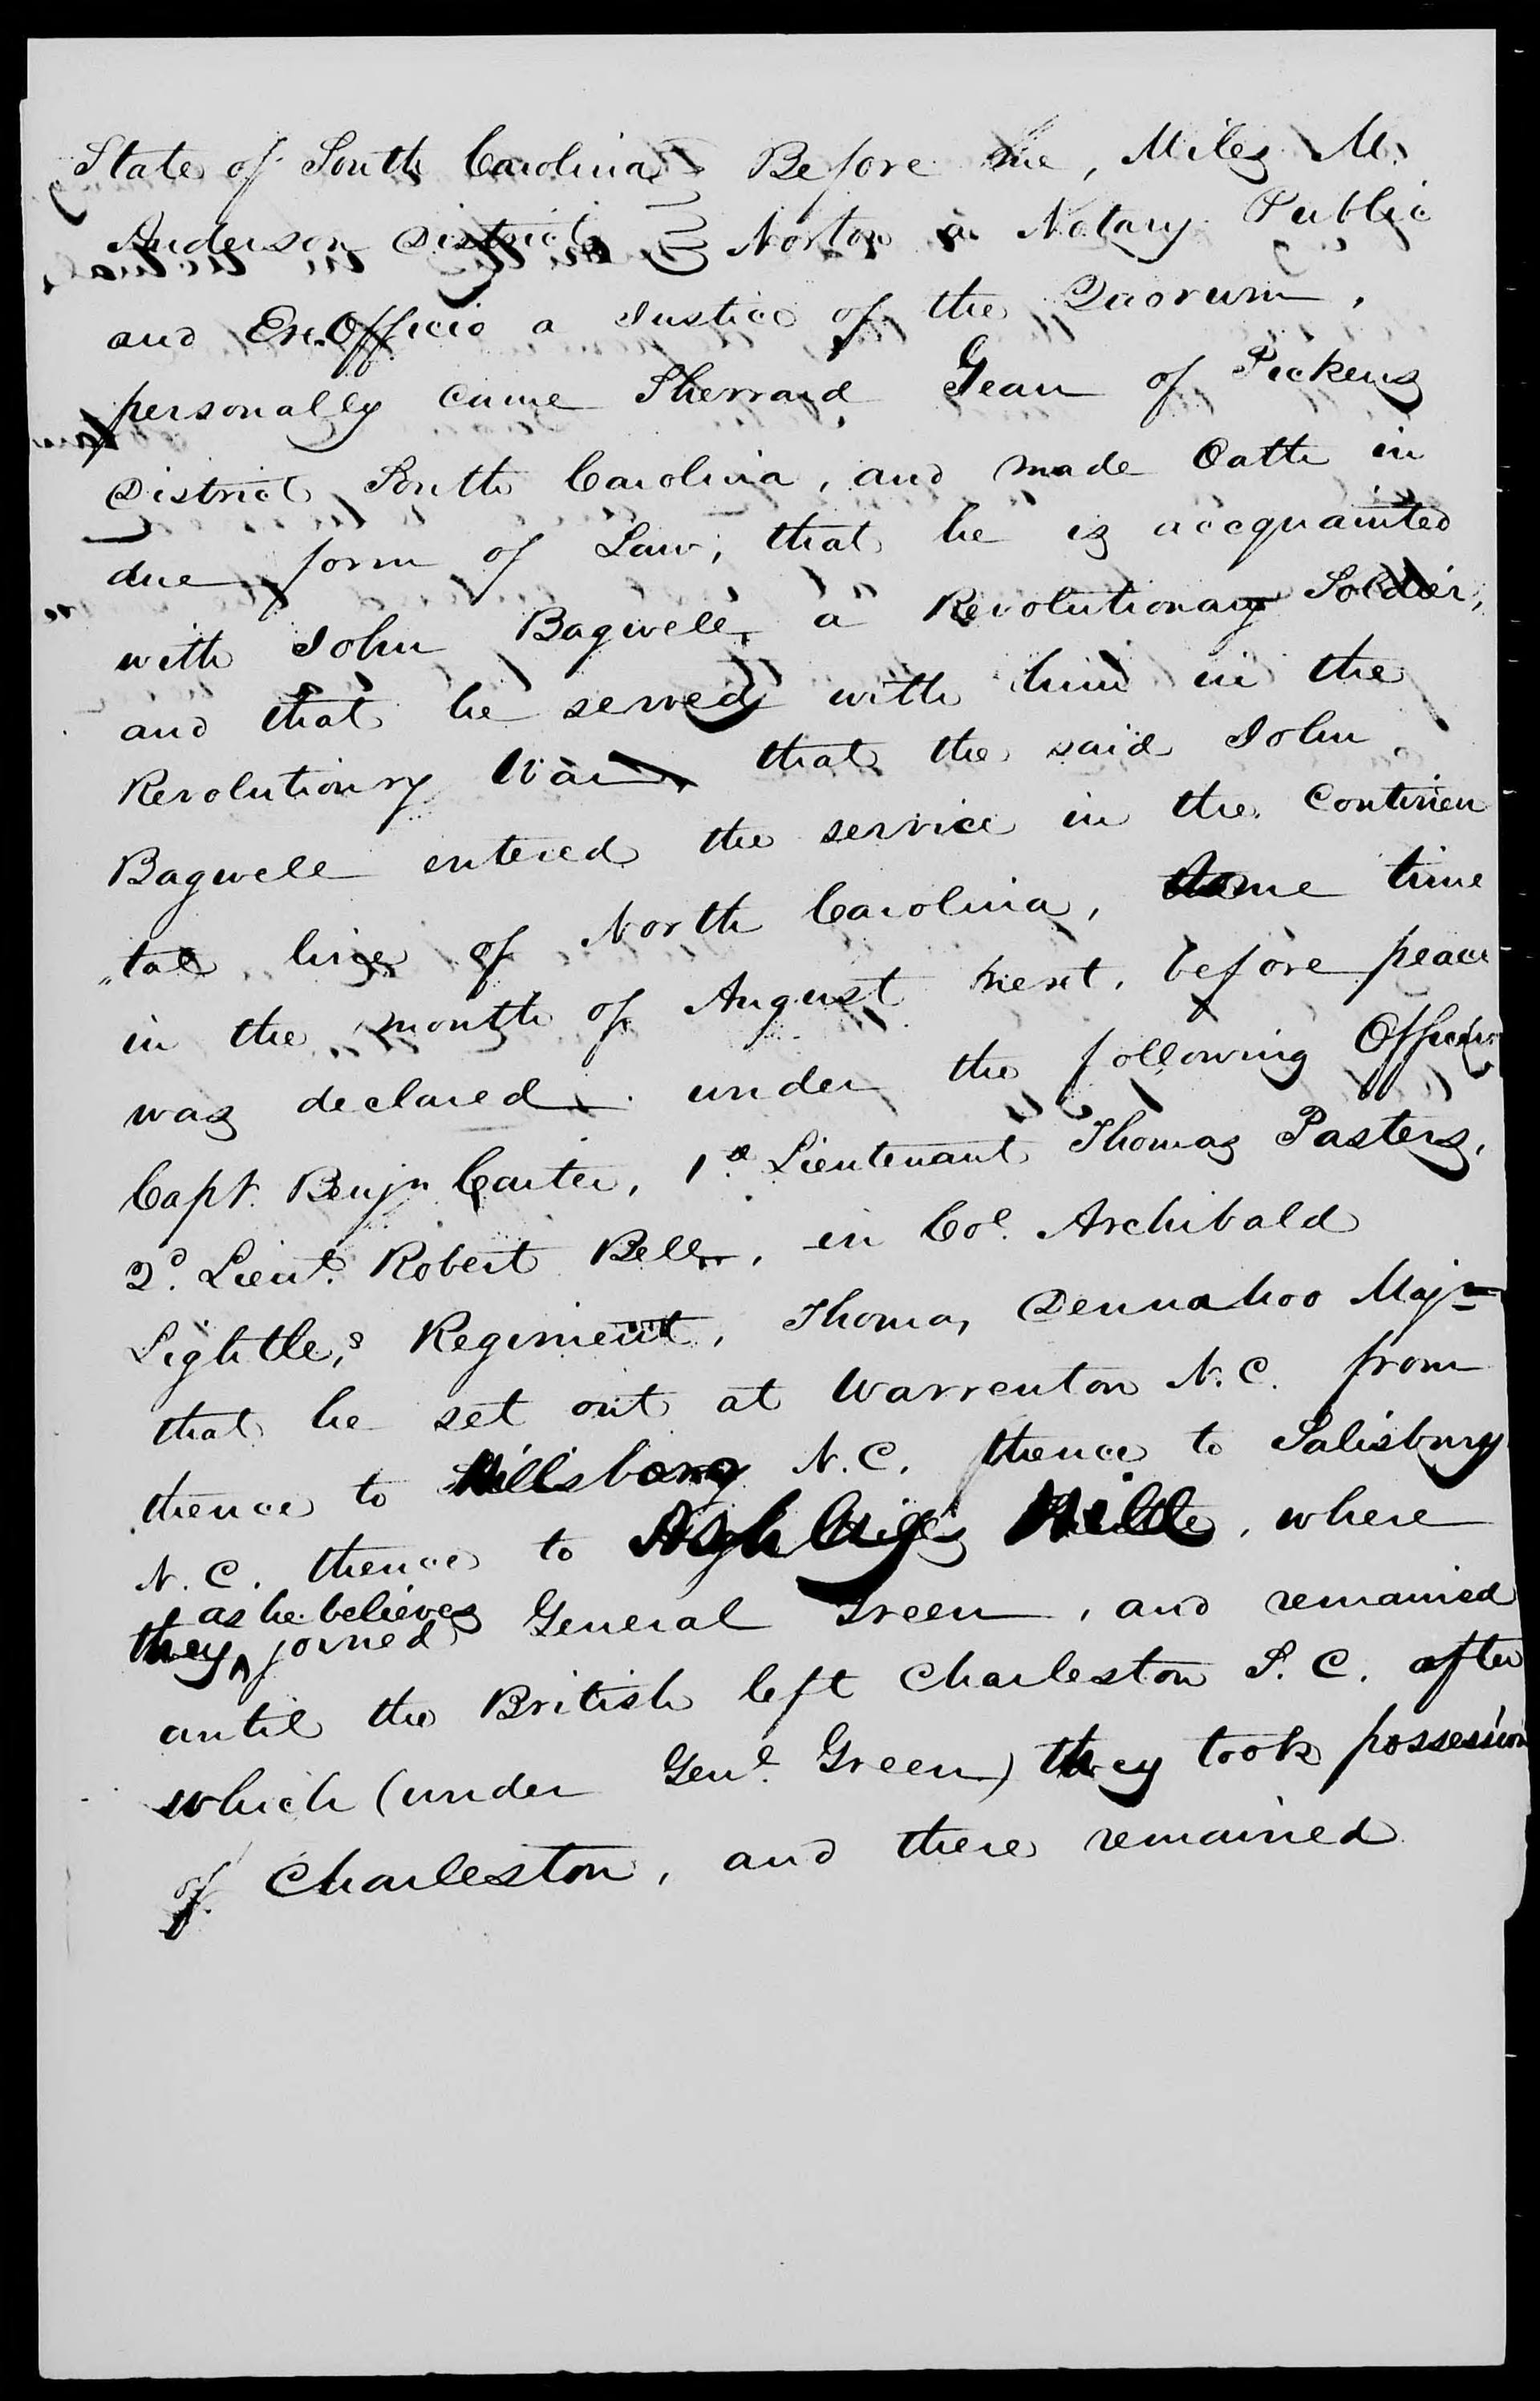State of South Carolina Anderson District⎬ Before me Miles M.
 Norton in Notary
Public
Ex Officio a
Justice of the ┃
Quorum
personally came Sherrard Gean of Pickens
District South Carolina, and made Oath in
due form
of Law, that he is acquainted

with John
Bagwell
a Revolutionary Soldier
and that he served with him in the
Revolutionary War that the said John
Bagwell entered
the service in
the
to
Continental
line of North Carolina
some
time
month of August [  ] before peace
in the
was declared under the
following
Office
Capt. Benj Carter, Lieutenant Thomas Pasters
2d Lieut Robert Bell,
in Col. Archibald
Lightles
Regiment,
Thomas
Dennahoo Majr
N.C.
that he set out at Warrenton N.C. from
thence to
Hillsboro N.C. thence to Salisbury
thence
to Ashligh Hill
where they
as he believes joined General
Green, and remained

until
the British left Charleston S.C. after
which (under
Genl Green) they took possession
of Charleston,
and there remained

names: Green, John Bagwell, Miles M Norton, Thomas Pasters, Robert Bell, Thomas Dennahoo, John Bagwell, Sherrard Gean, Benjn Carter, Green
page: 16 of 36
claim: survivor's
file: S 6571, John Bagwell, N.C.